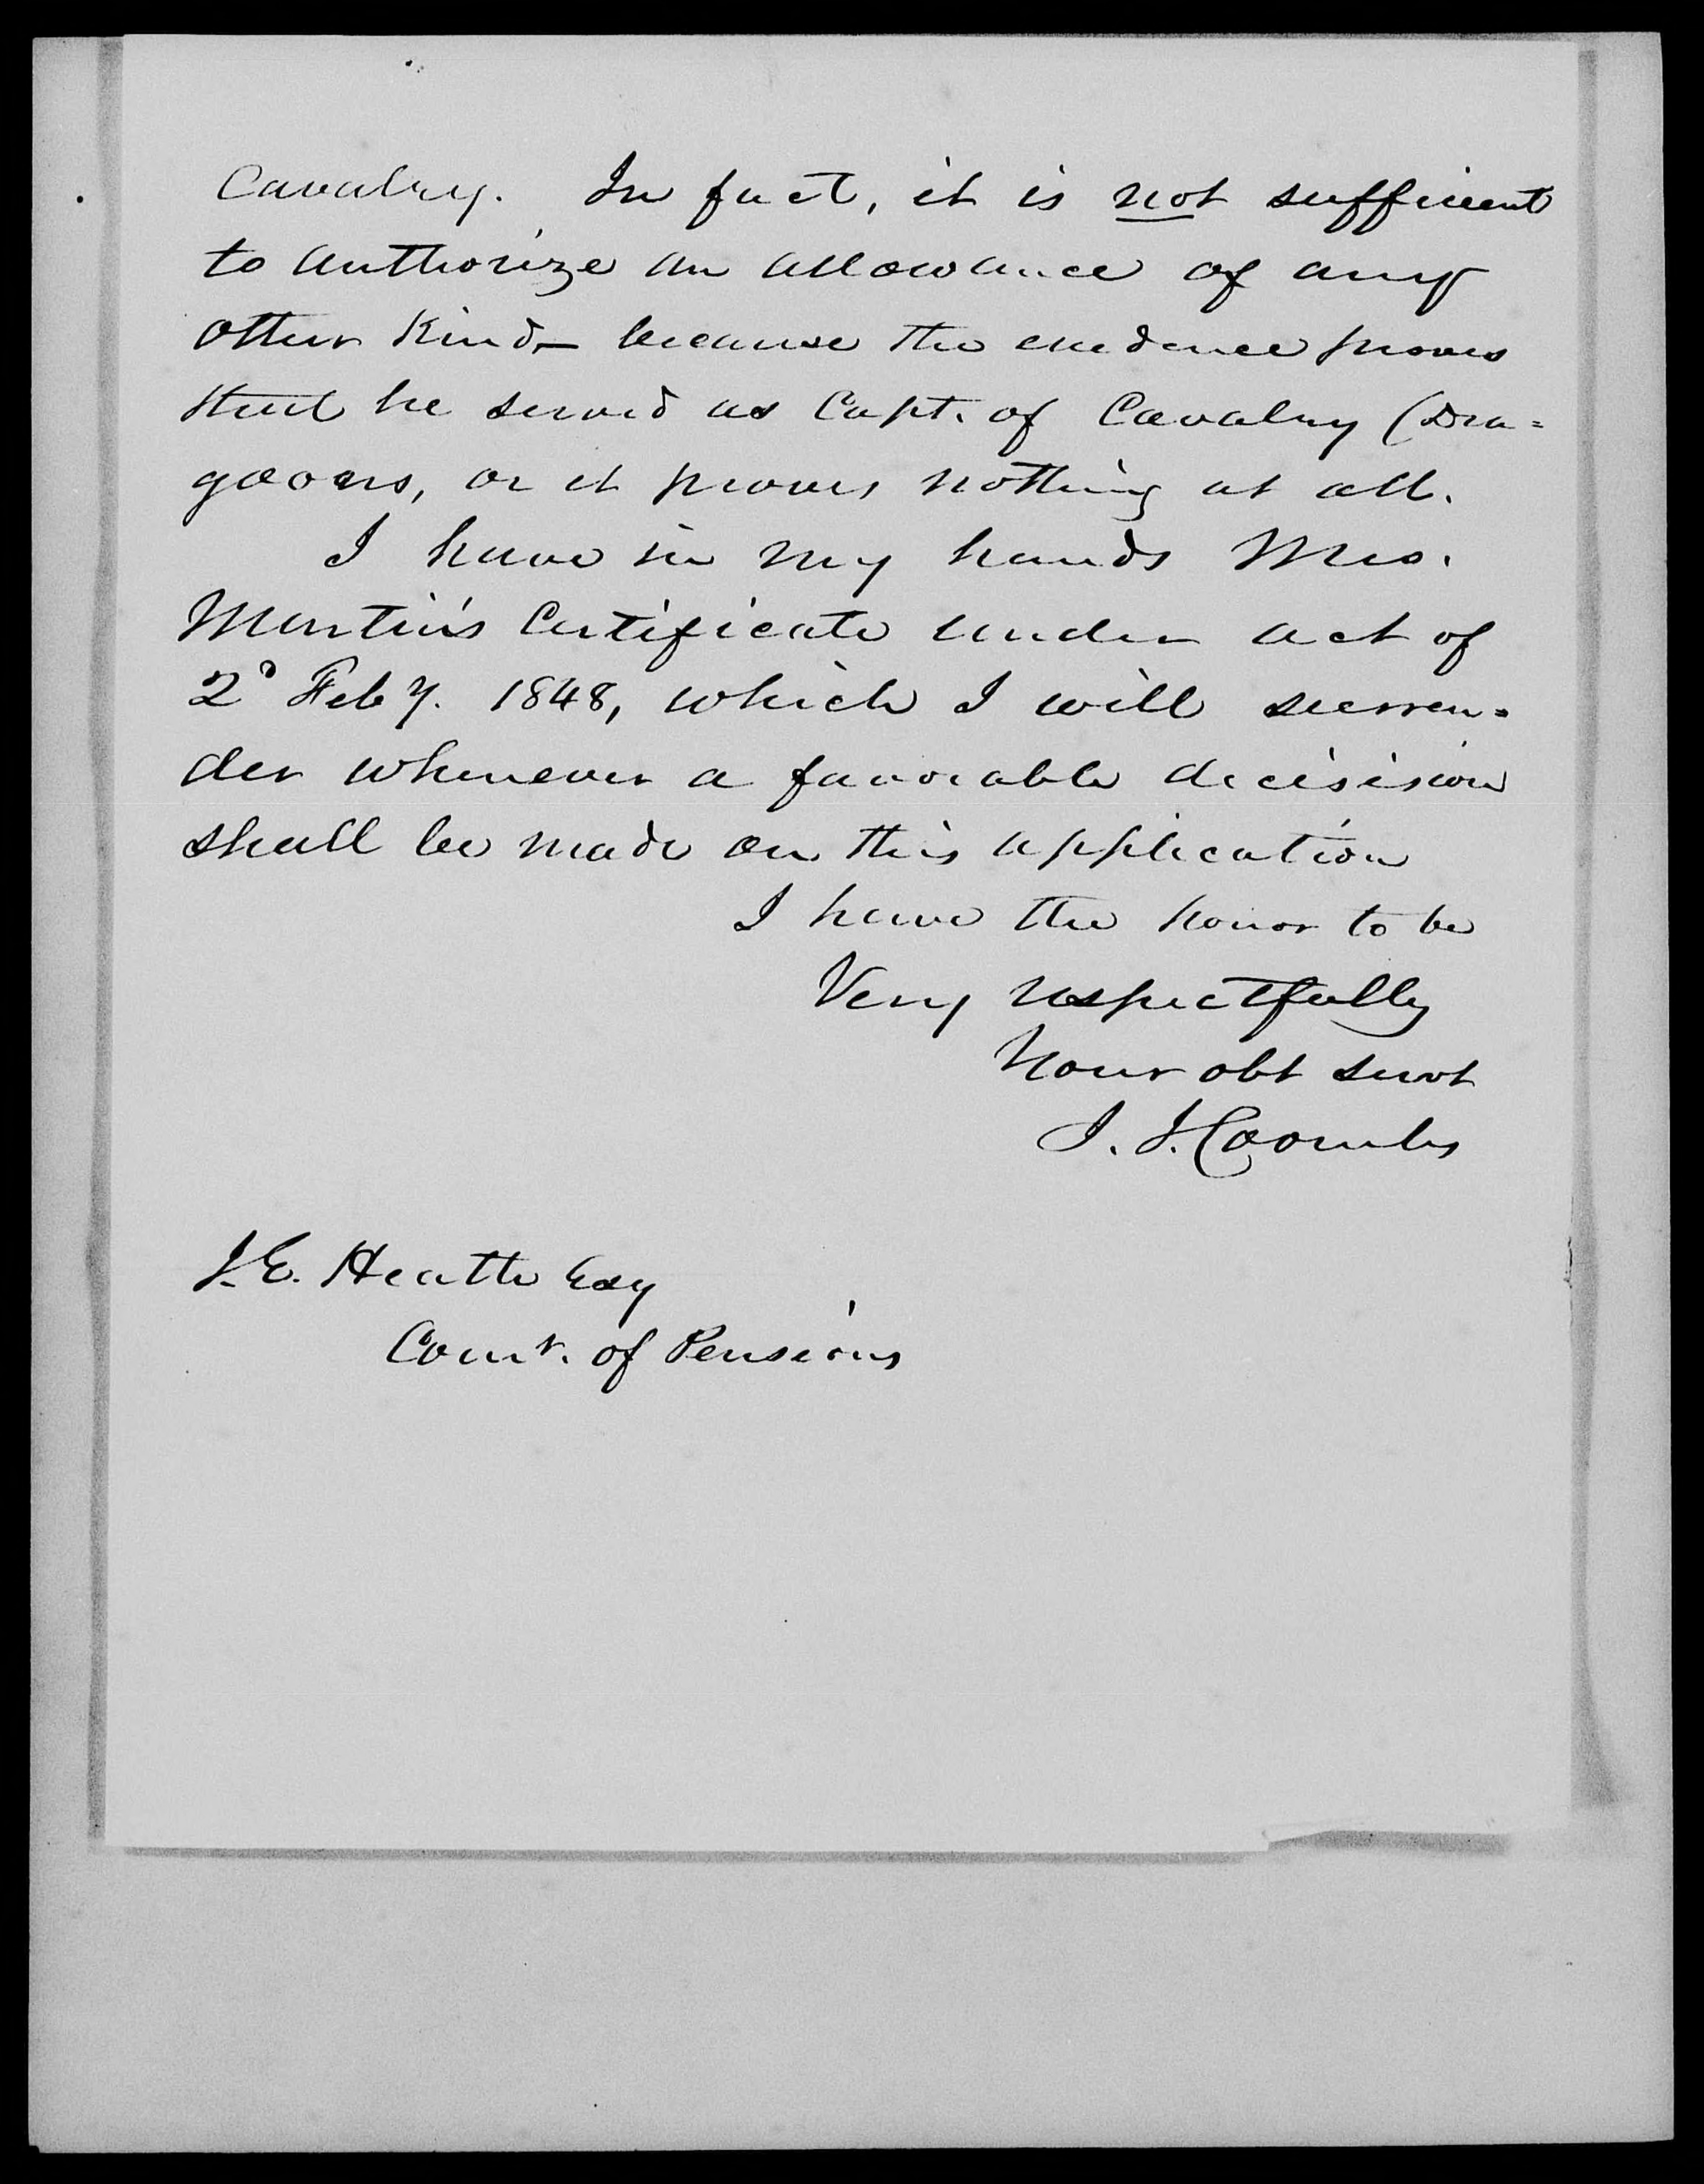cavalry.  In fact, it is not sufficient
to authorize an allowance of any
other kind__ because the evidence proves
that he served as Capt. of Cavalry (Dra=
goons, or it proves nothing at all.
I have in my hands Mrs.
Martin's Certificate under act of
2d Feby. 1848, which I will surren-
der whenever a favorable decisision [decision]
shall be made on this application
I have the honor to be
Very respectfully
Your obt servt
J. J. Coombs
J.E. Heath Esq
Comr. of Pensions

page: 39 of 120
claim: widow's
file: W. 1044, for Salathiel Martin, North Carolina